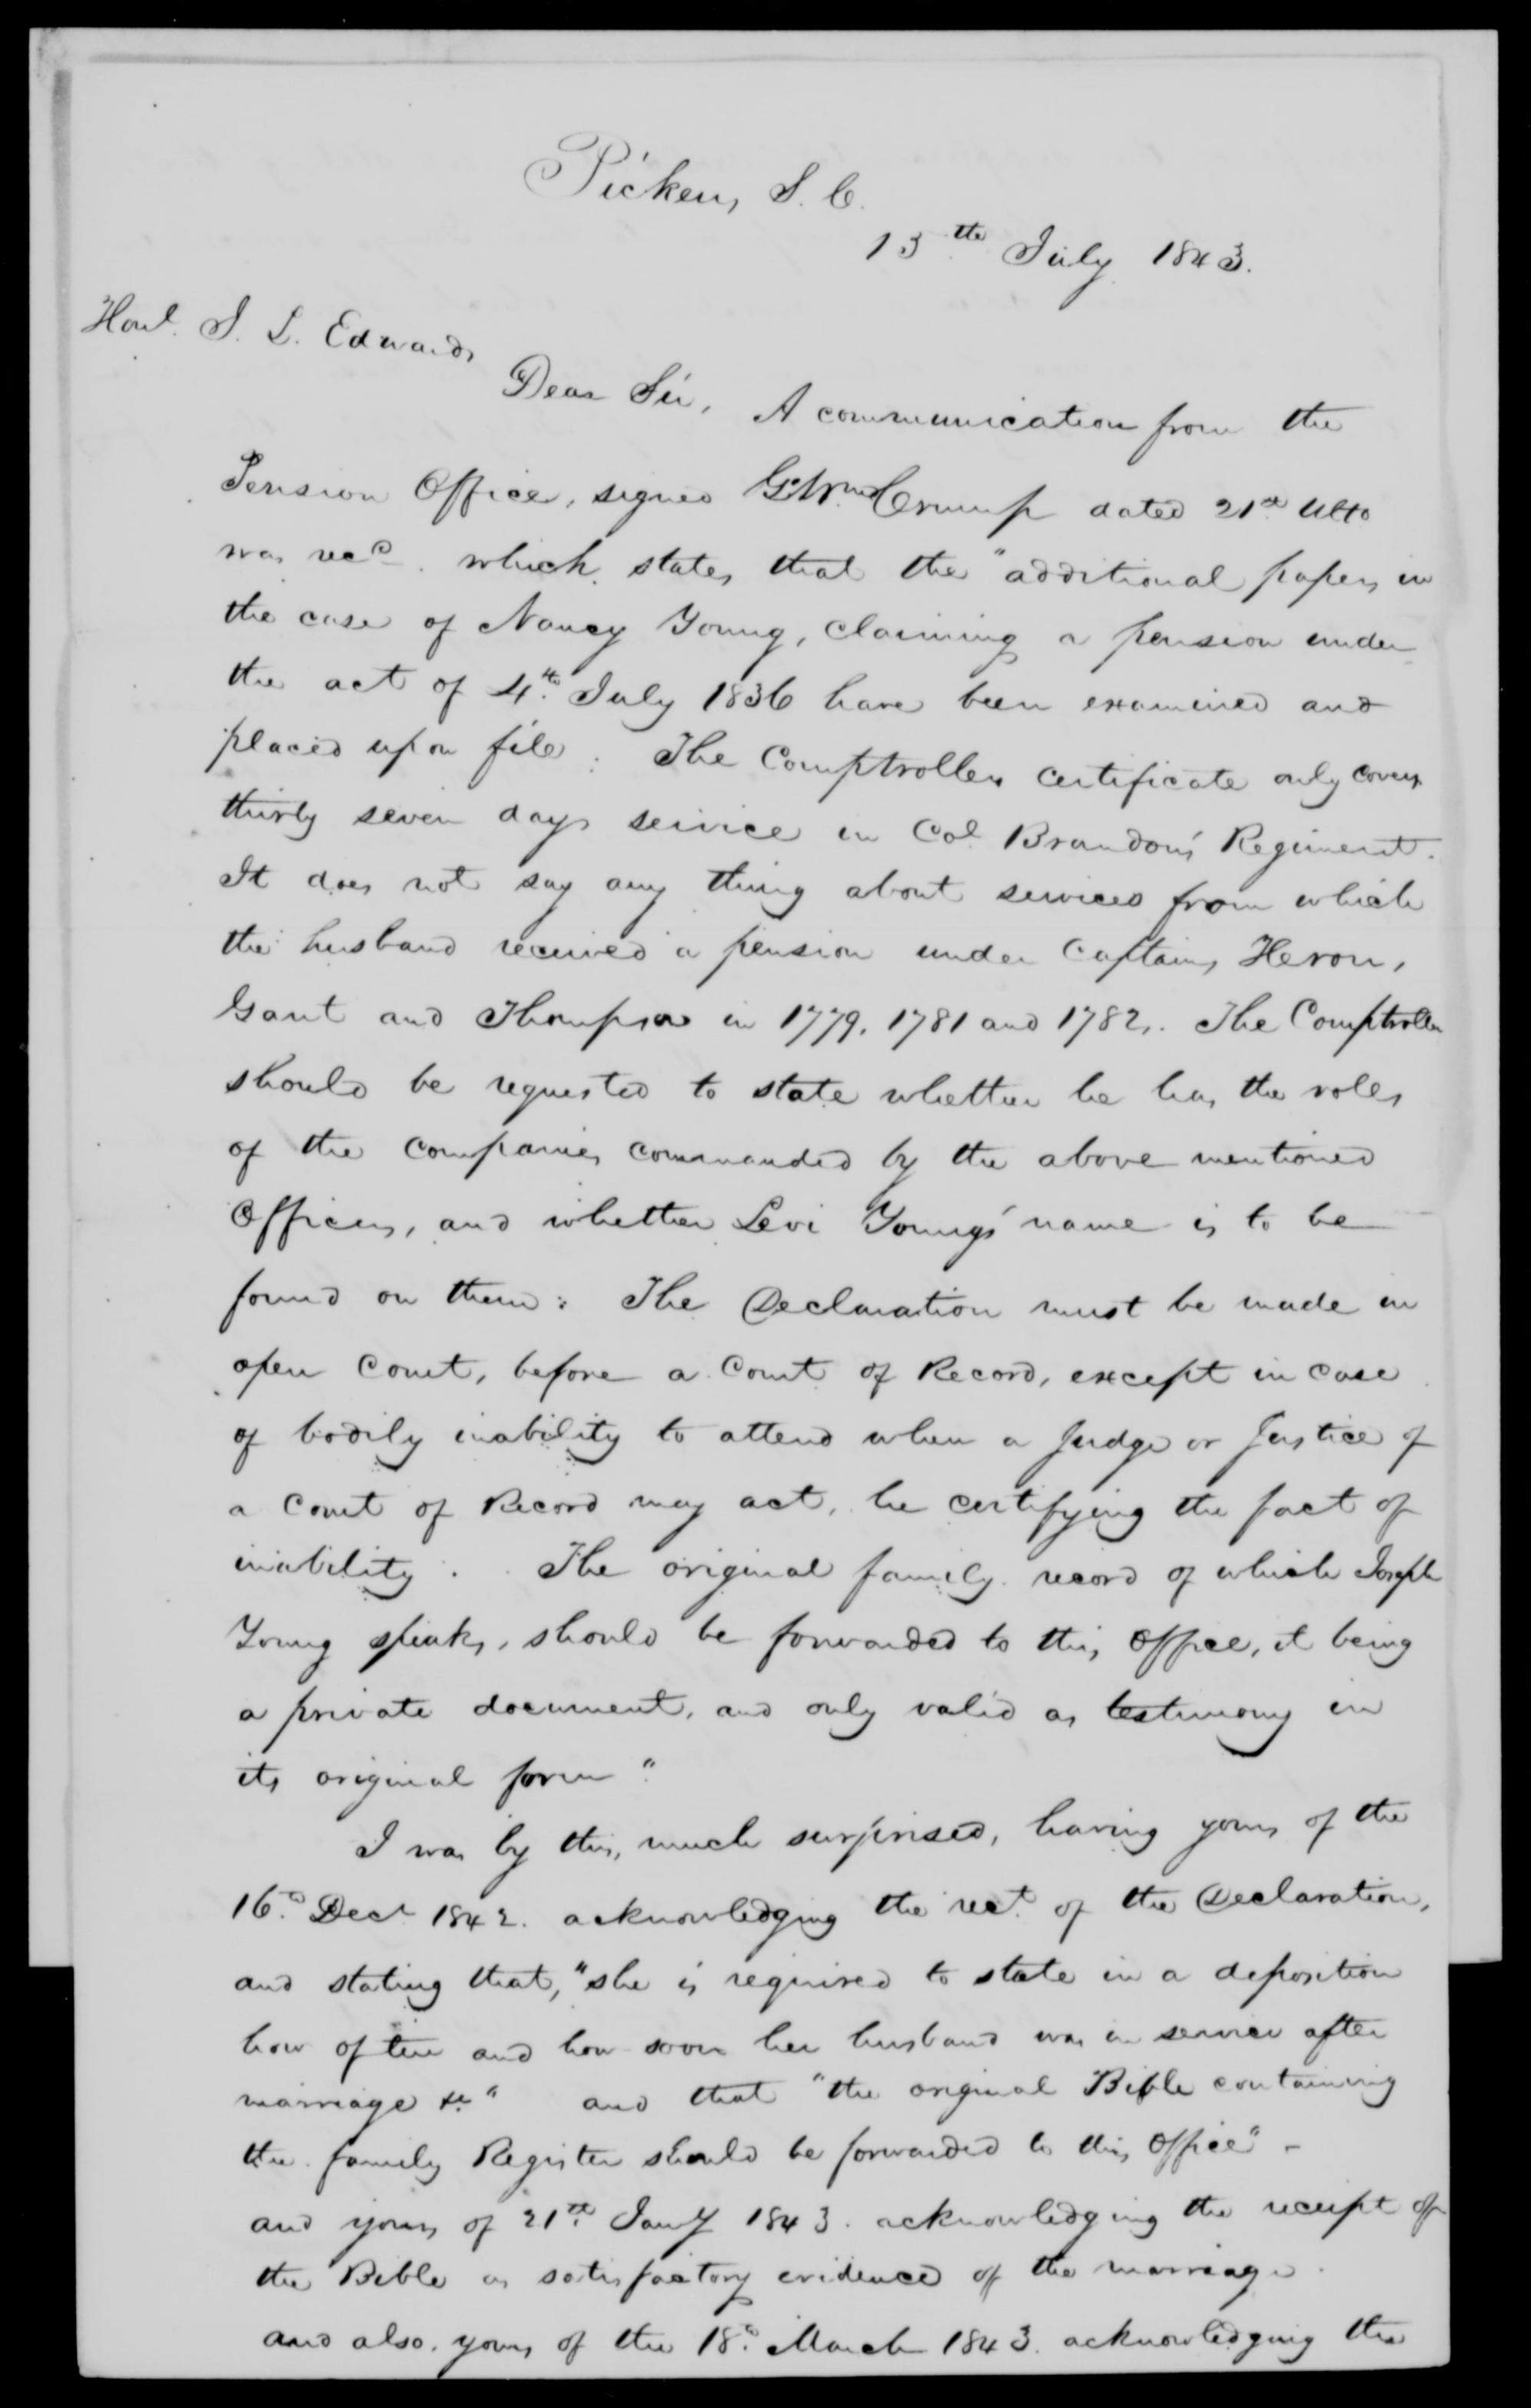Pickens S.C. [South Carolina]

15th July 1843.

Honl. [Honorable] J. [James] L. Edwards

Dear Sir,

A communication from the
Pension Office, signed G. Wm. Crump dated 21th ult. [ultimate]
was recd (sic received) which states that the "additional papers in
the case of Nancy Young, claiming a pension under
the act of 4th July 1836 have been examined and
placed up on file.  the comptrollers certificate only covers
thirty seven days service in Col Brandon's Regiment. 
It does not say any thing (sic anything) about services from which
the husband received a pension under Captains Heron,
Gant [Grant?] and Thompson in 1779, 1781 and 1782.  The Comptroller
should be requested to state whether he has the rolls
of the companies commanded by the above mentioned
officers, and whether Levi Young's name is to be
found on them.  The Declaration must be made in
open court, before a court of Record, except in case
of bodily inability to attend when a Judge or Justice of
a court of Record may act, be certifying the fact of
inability.  The original family record of which Joseph
Young speaks, should be forwarded to this office, it being
a private document, and only valid as testimony in
its original form"

   I was by this much surprised, having yours of the
16th Dec 1842 acknowledging the rect (sic receipt) of the Declaration,
and stating that, "she is required to state in a deposition
how often and how soon her husband was in service after
marriage " and that "the original Bible containing
the family Register should be forwarded to this Office" -
and yours of 21th Jany [January] 1843 acknowledging the receipt of
the Bible as satisfactory evidence of the marriage
and also, yours of the 18th March 1843 acknowledging the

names: Thompson, G Wm Crump, Heron, Nancy Young, J L Edwards, Joseph Young, Gant, Levi Young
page: 43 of 56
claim: widow's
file: W. 9040, Levi Young, Ga. New Jersey S.C.